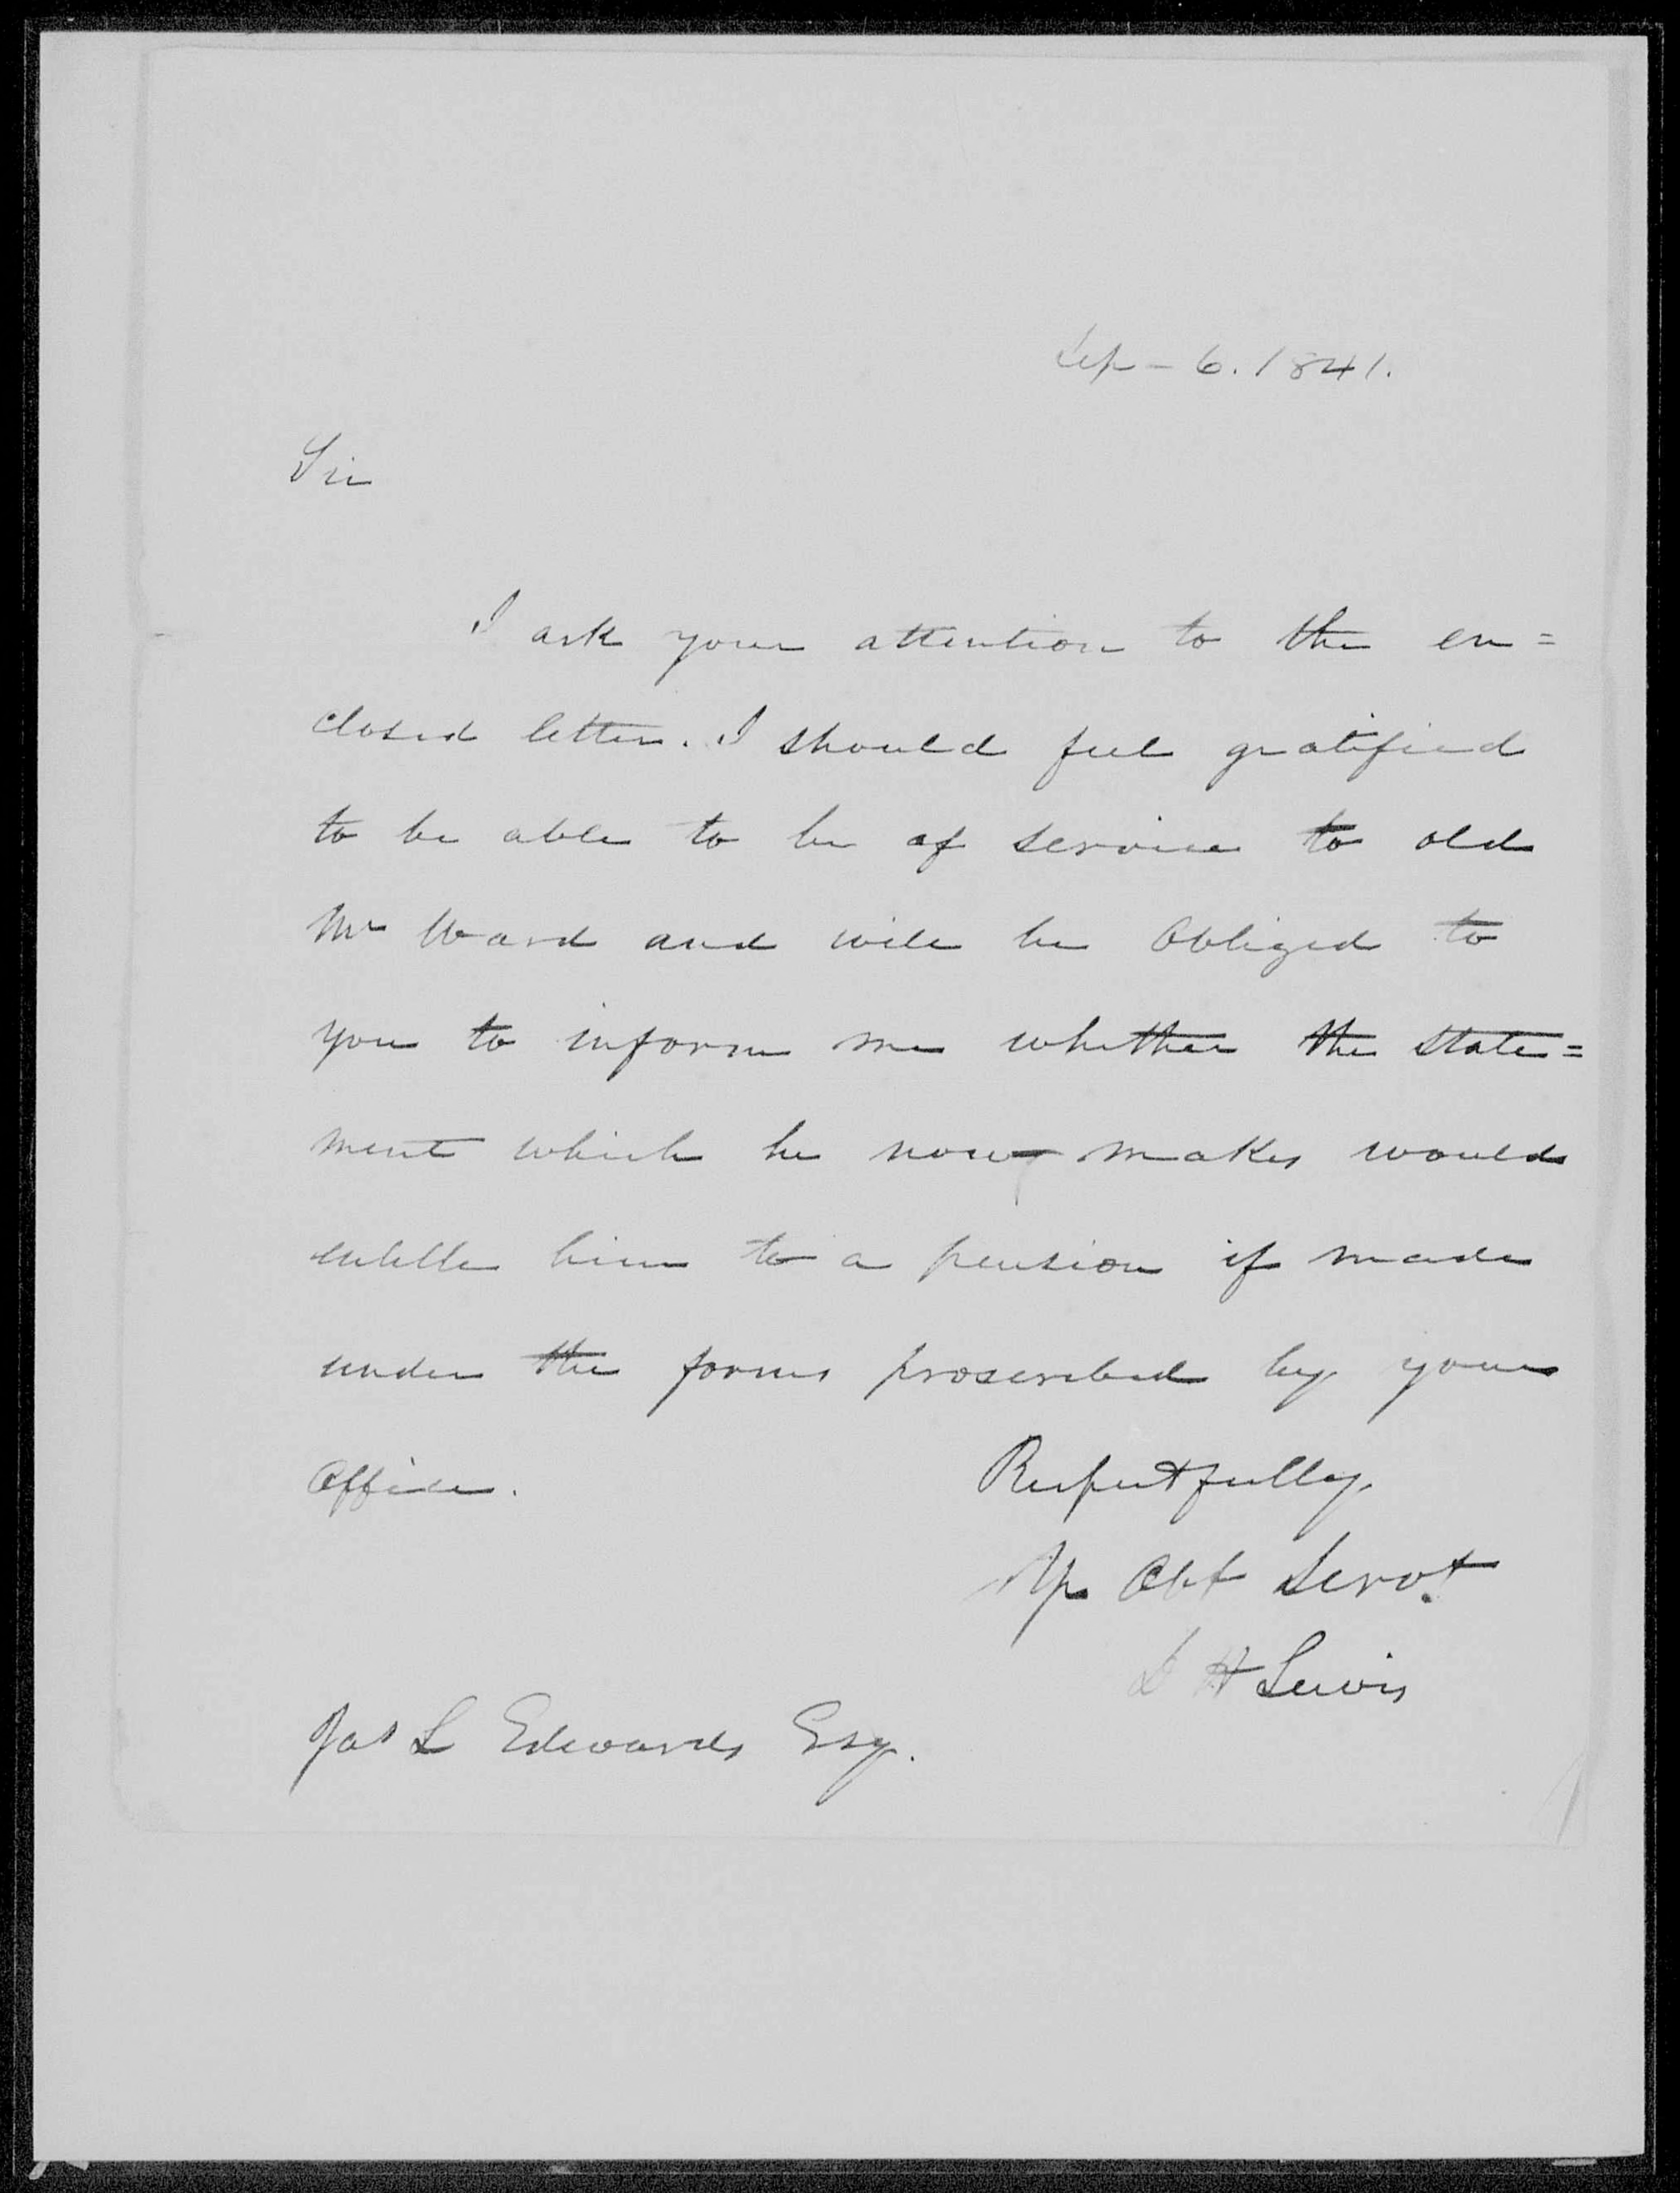Sep ___ 6.  1841.
Sir
I ask your attention to the enclosed letter.  I should feel gratified to be able to be of service to old Mr  Ward and will be Obliged to you to inform me whether the statement which he now makes would enable him to a pension if made under the forms proscribed by your Office.
Respectfully
Yr Obt Servt.
D H Lewis


Jas L  Edwards Esq.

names: Jas L Edwards, Ward, D H Lewis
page: 22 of 31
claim: survivor's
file: S. 14802, Thomas Ward, S.C.